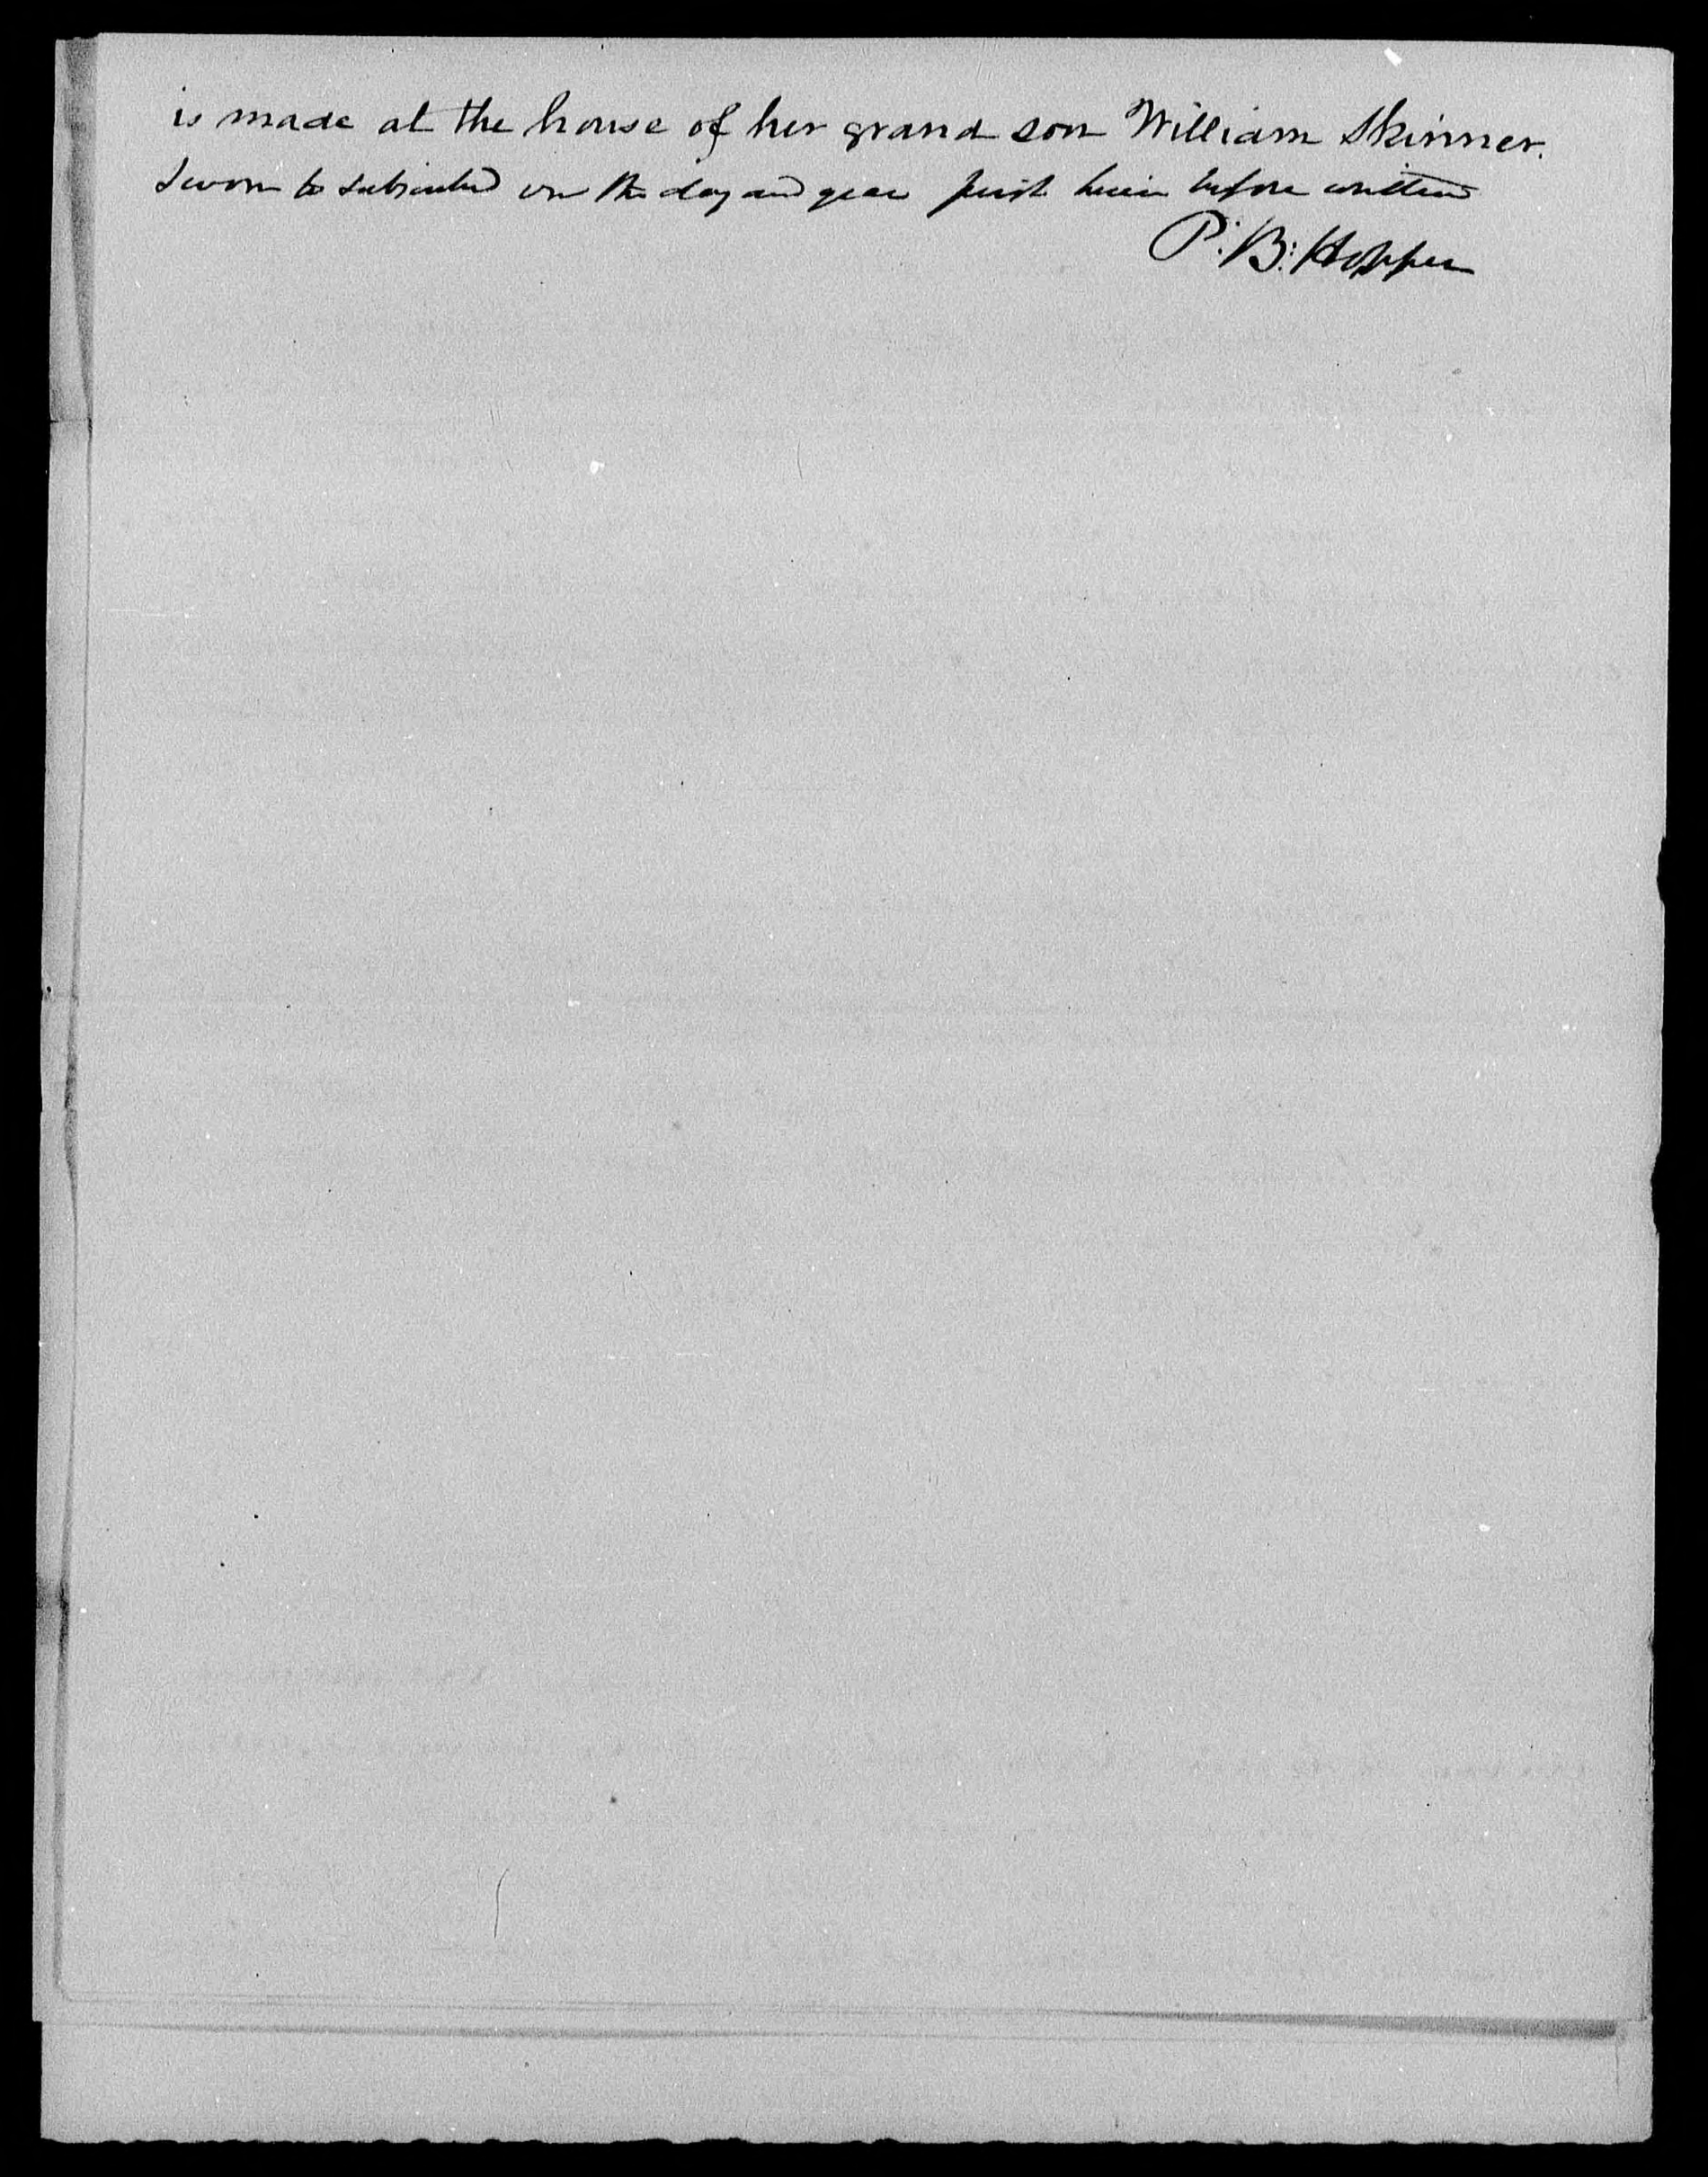is made at the house of her grand son William Skinner sworn to [illegible] on the day and year [illegible]
P.B.Hopper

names: William Skinner, P B Hopper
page: 5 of 26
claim: widow's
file: W 25651, Robert Cross, Md.